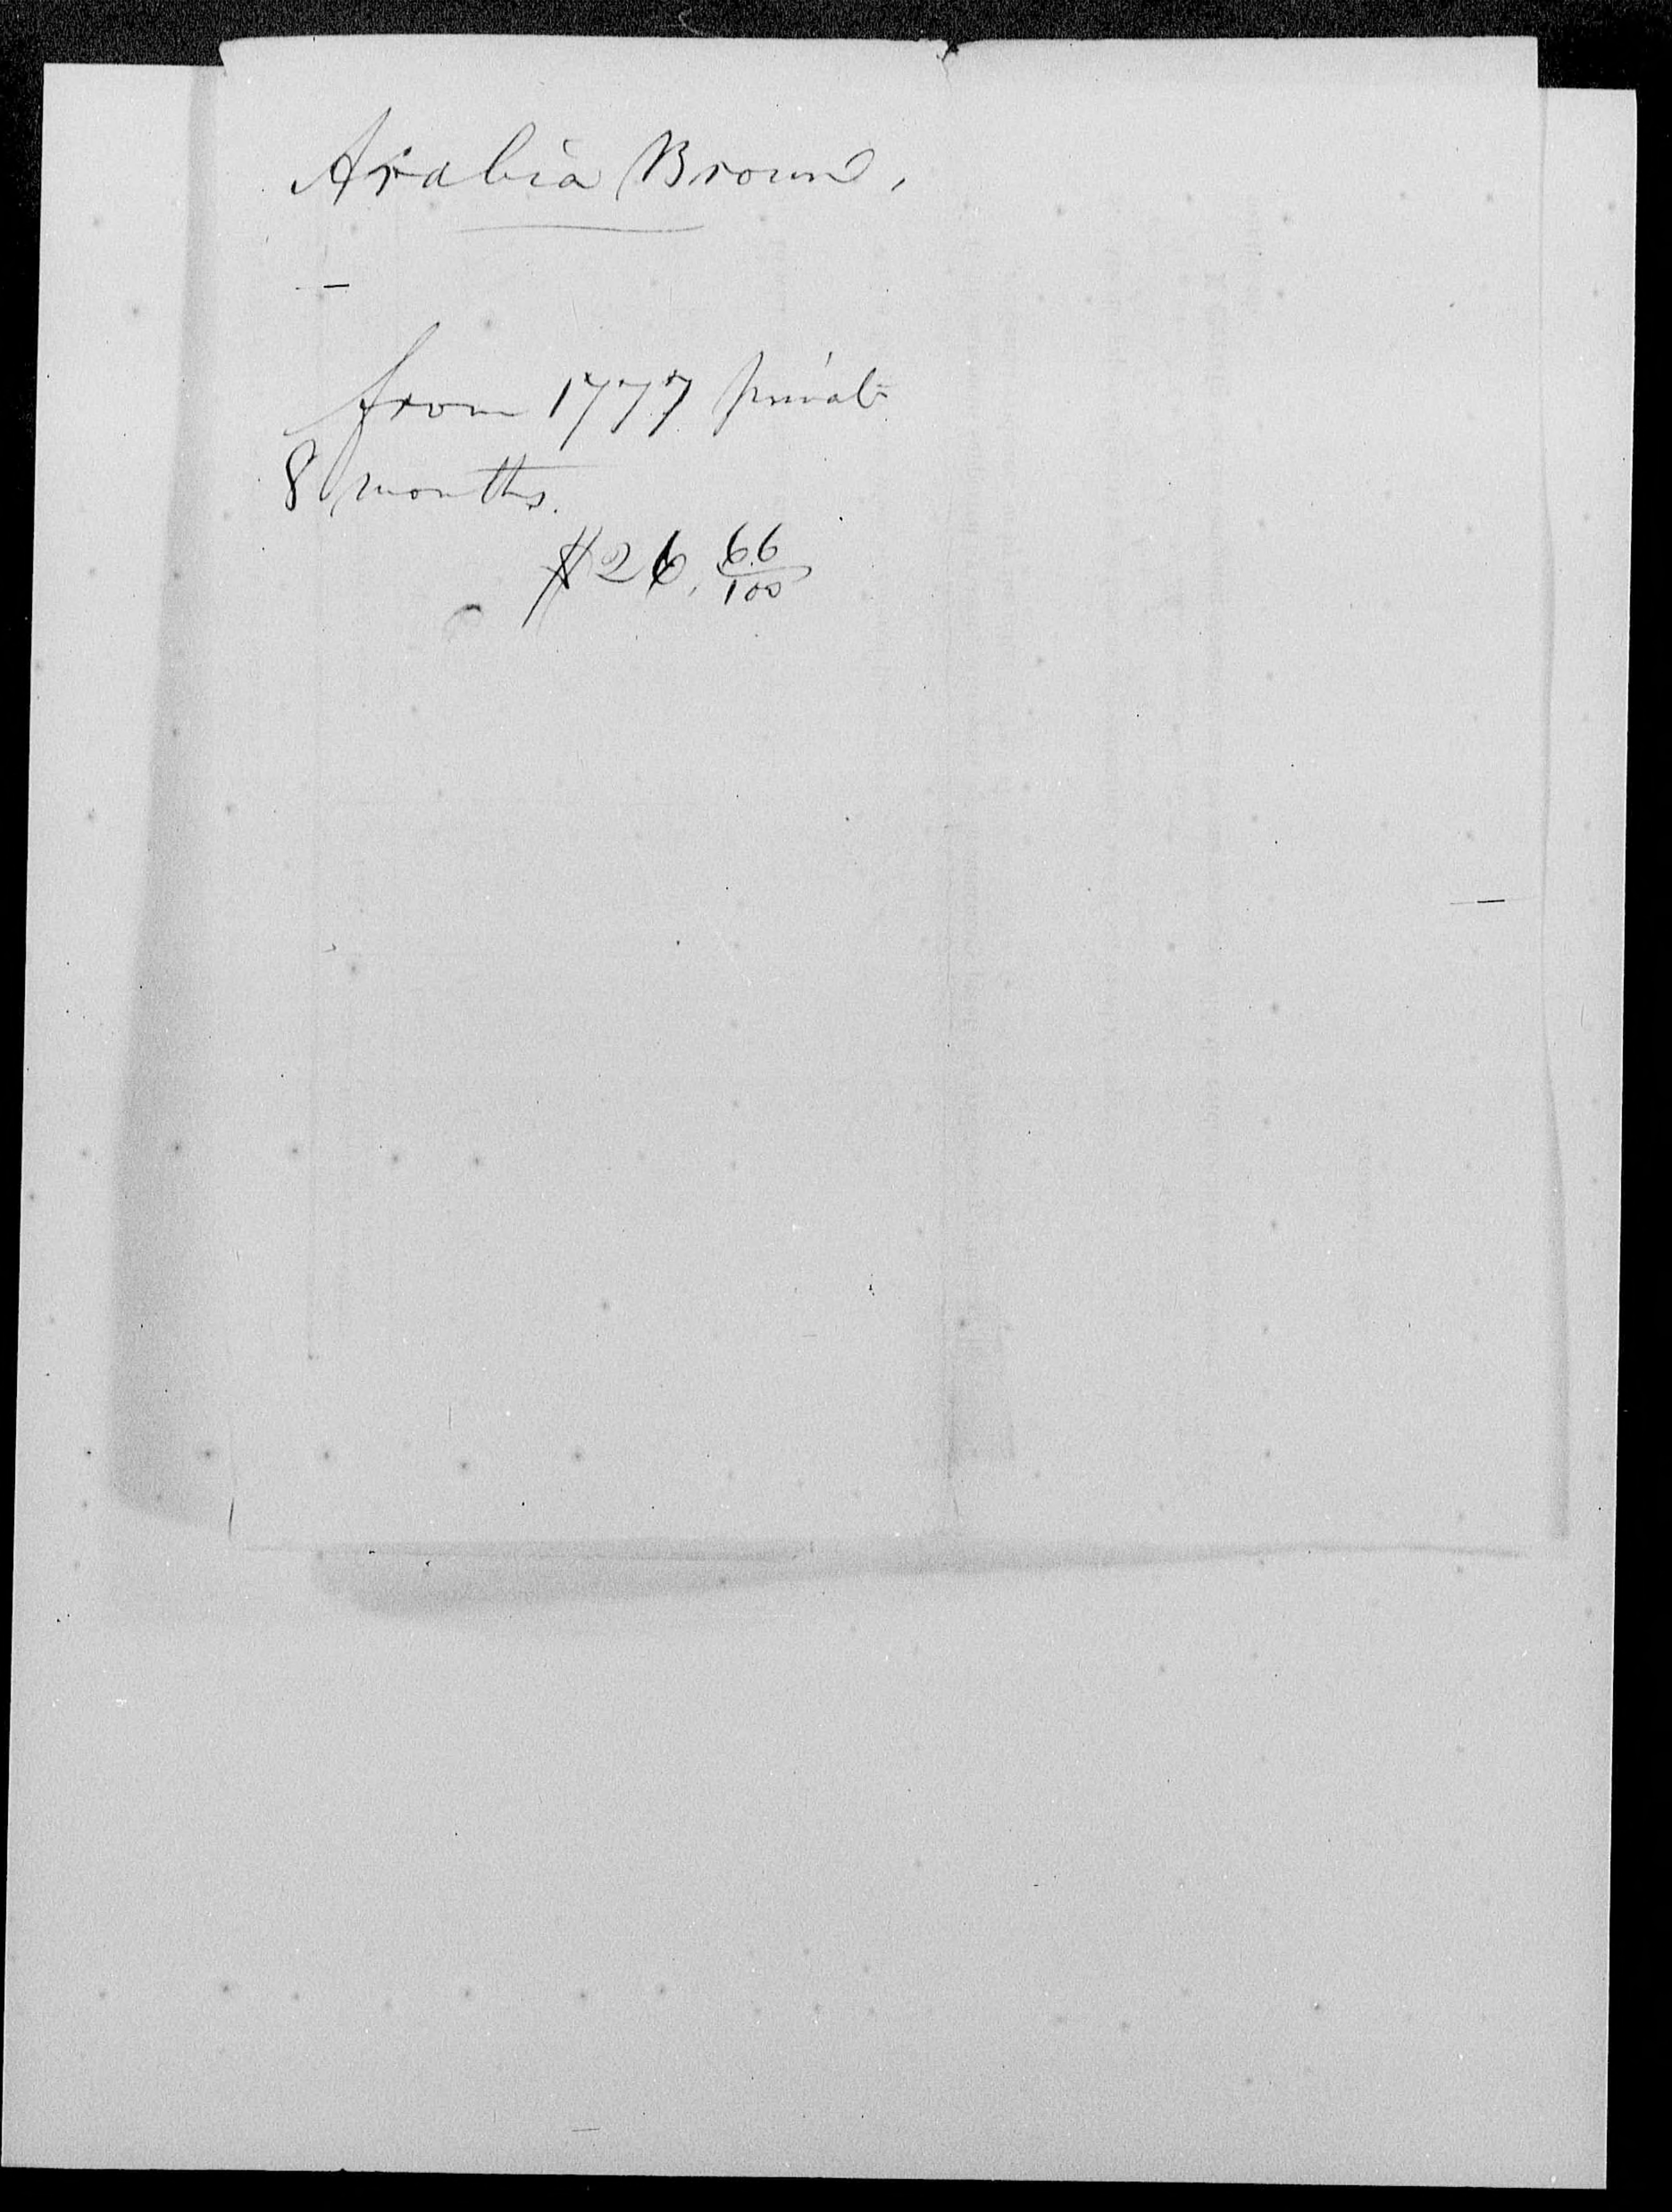Arabia Brown
-
From 1777 [illegible]
8 months
$26. 66/100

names: Arabia Brown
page: 17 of 65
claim: widow's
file: W. 8384, Arabia Brown, Va.